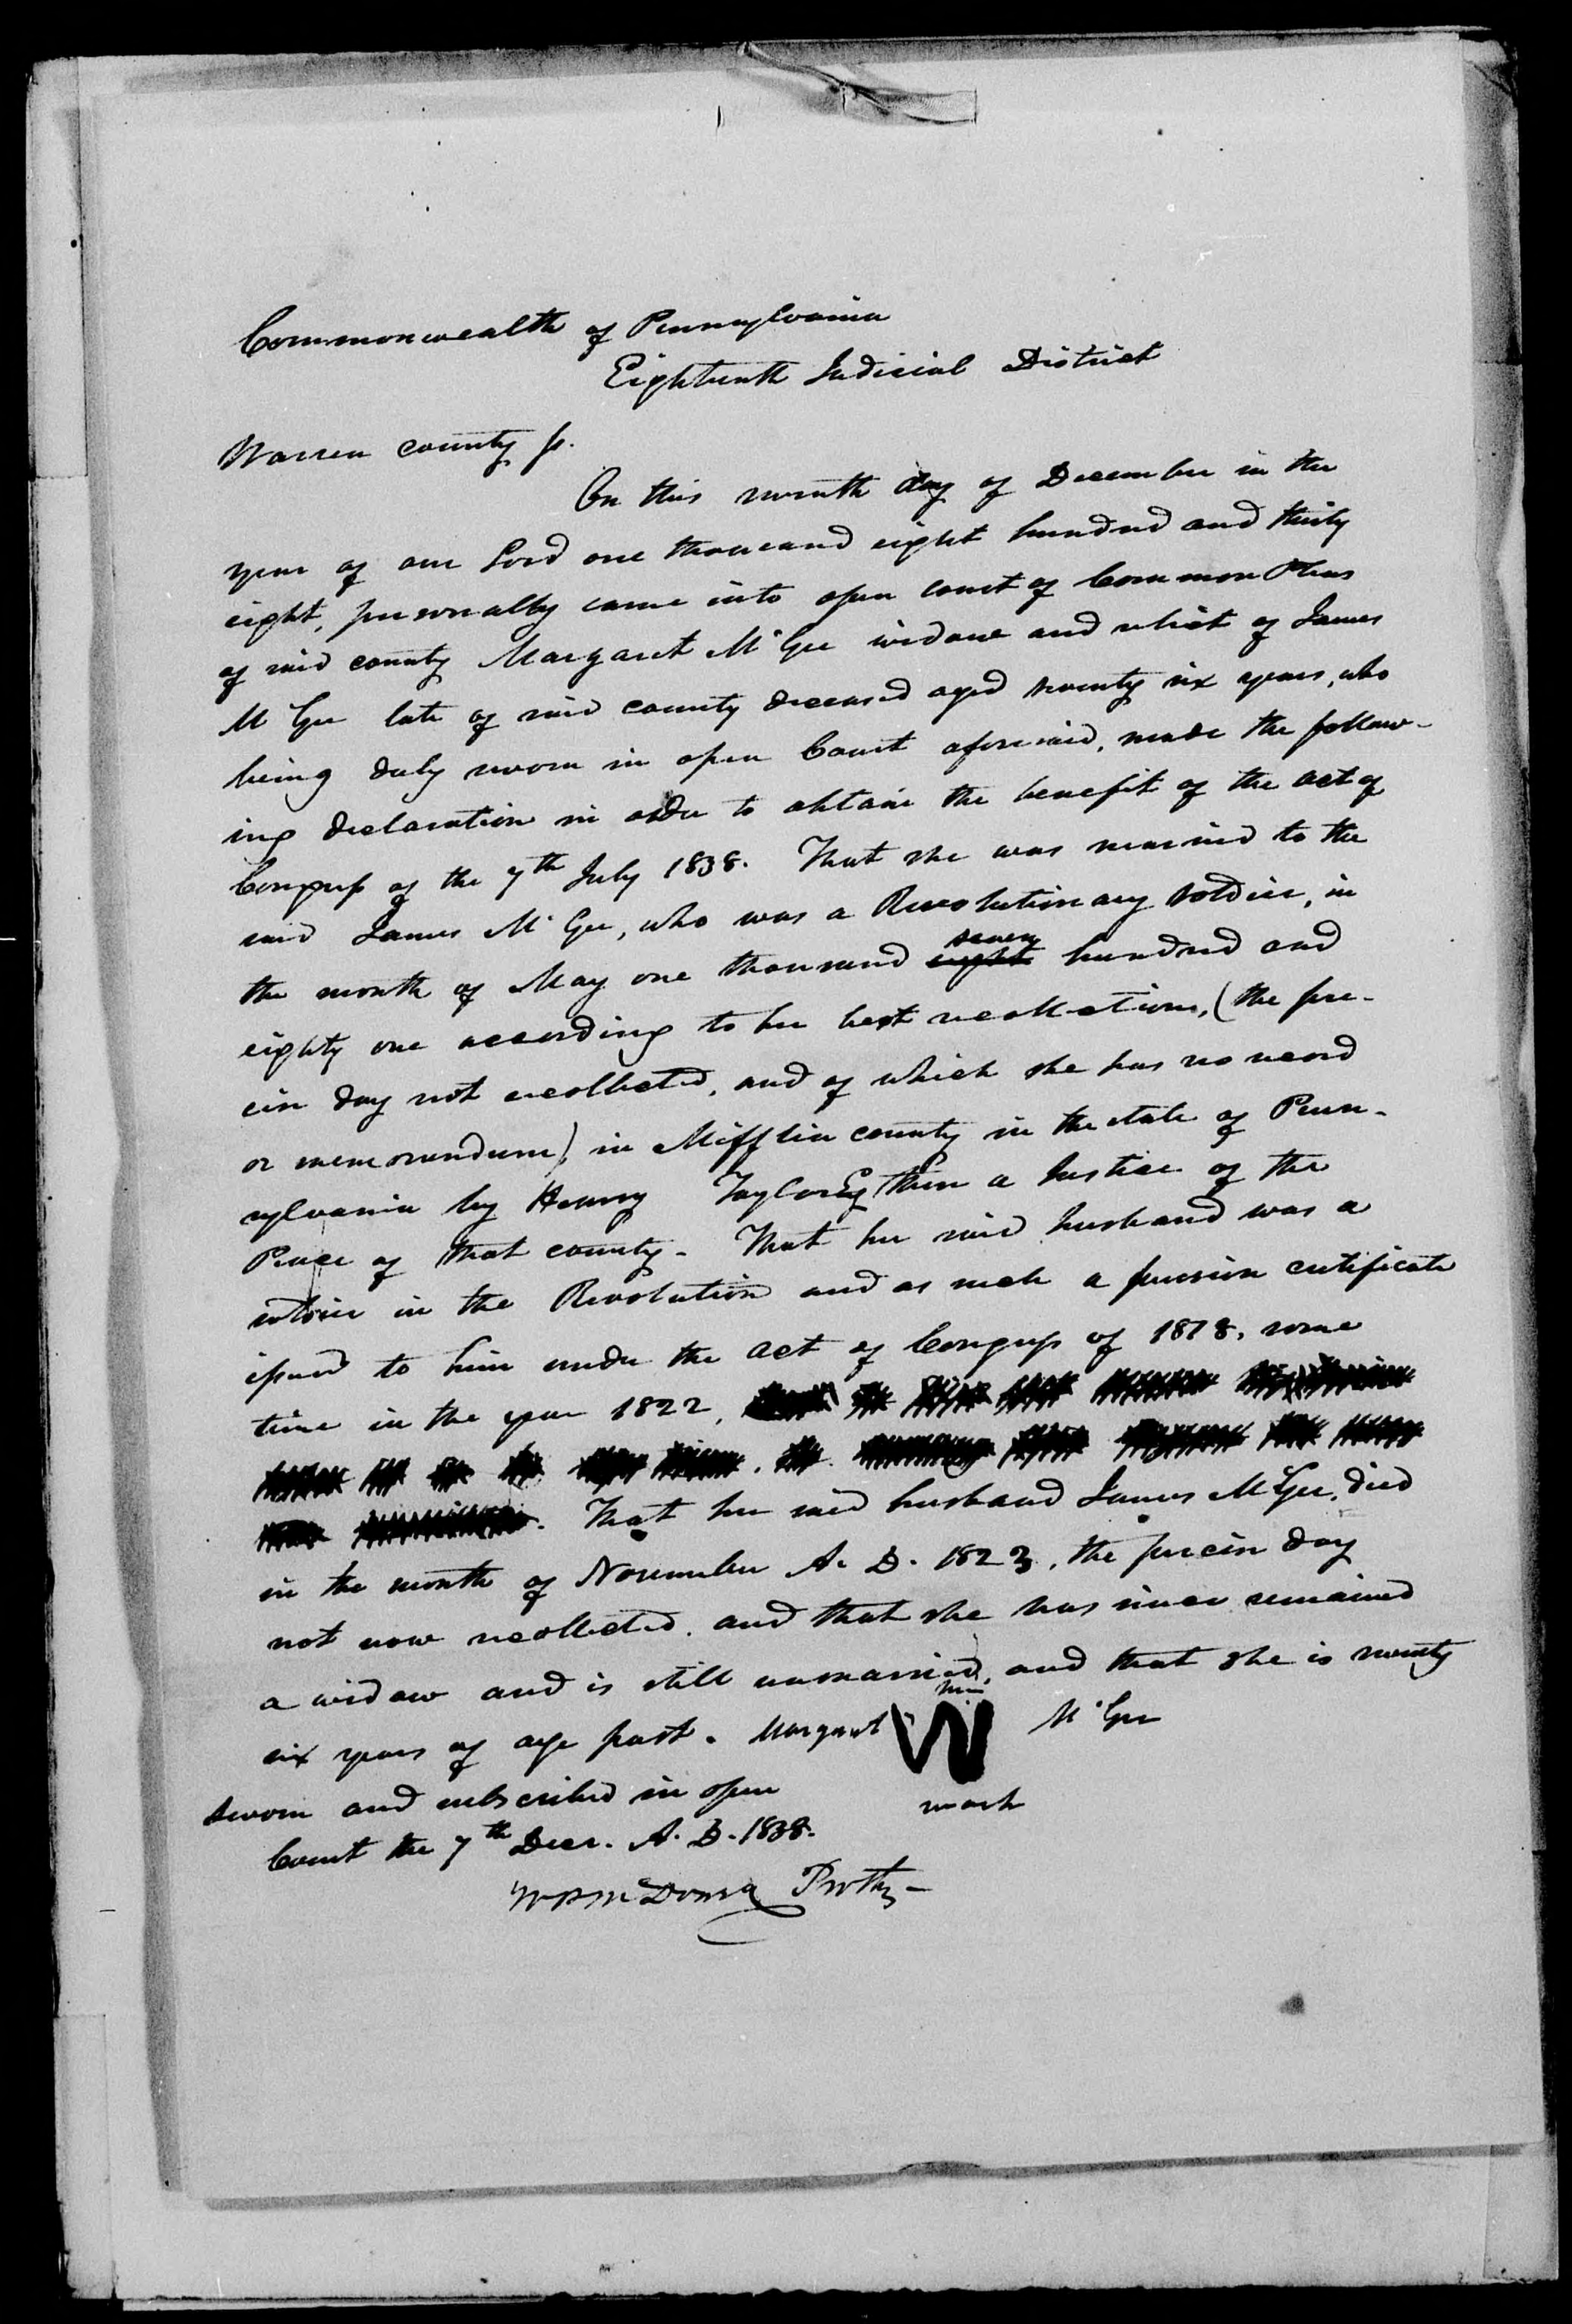Commonwealth of Pennsylvania
Eighteenth Judicial District
Warren County ss

On this ninth day of December in the
year of our Lord one thousand eight hundred and thirty eight, personally came into open court of Common Pleas of said county Margaret McGee widow and which of James McGee
 late of said County deceased aged seventy six years, who being duly sworn in open Court aforesaid, made the following declaration in order to obtain the benefit of the act of
Congress of the 7th July 1838. That she was married to the said James McGee who was a Revolutionary soldier, in the month of May one thousand seven hundred and eighty one according to her best recollection, (the precise
in day not recollected, and of which she has no record or memorandum)  in Mifflin County in the State of Pennsylvania by Henry Taylor Esqr then a Justice of the Peace of that county. That her said husband was a soldier in the Revolution and as such a pension certificate
paid to him under the act of Congress of 1818, some time in the year 1822. ( ^...^)

That her said husband James McGee died
in the month of November A.D. 1823, the Precise day  not now recollected, and that she has since remained a widow and is still unmarried, and that she is seventy  six years of age past

 Margaret (her X mark) McGee


Sworn and subscribed in open
Court the 7th Dec. A.D. 1838

WP McDonra (?)    Proth

(^...^ indicates a word or sentence deleted)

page: 4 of 77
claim: widow's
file: W 2954, for James Mc Gee, Delaware